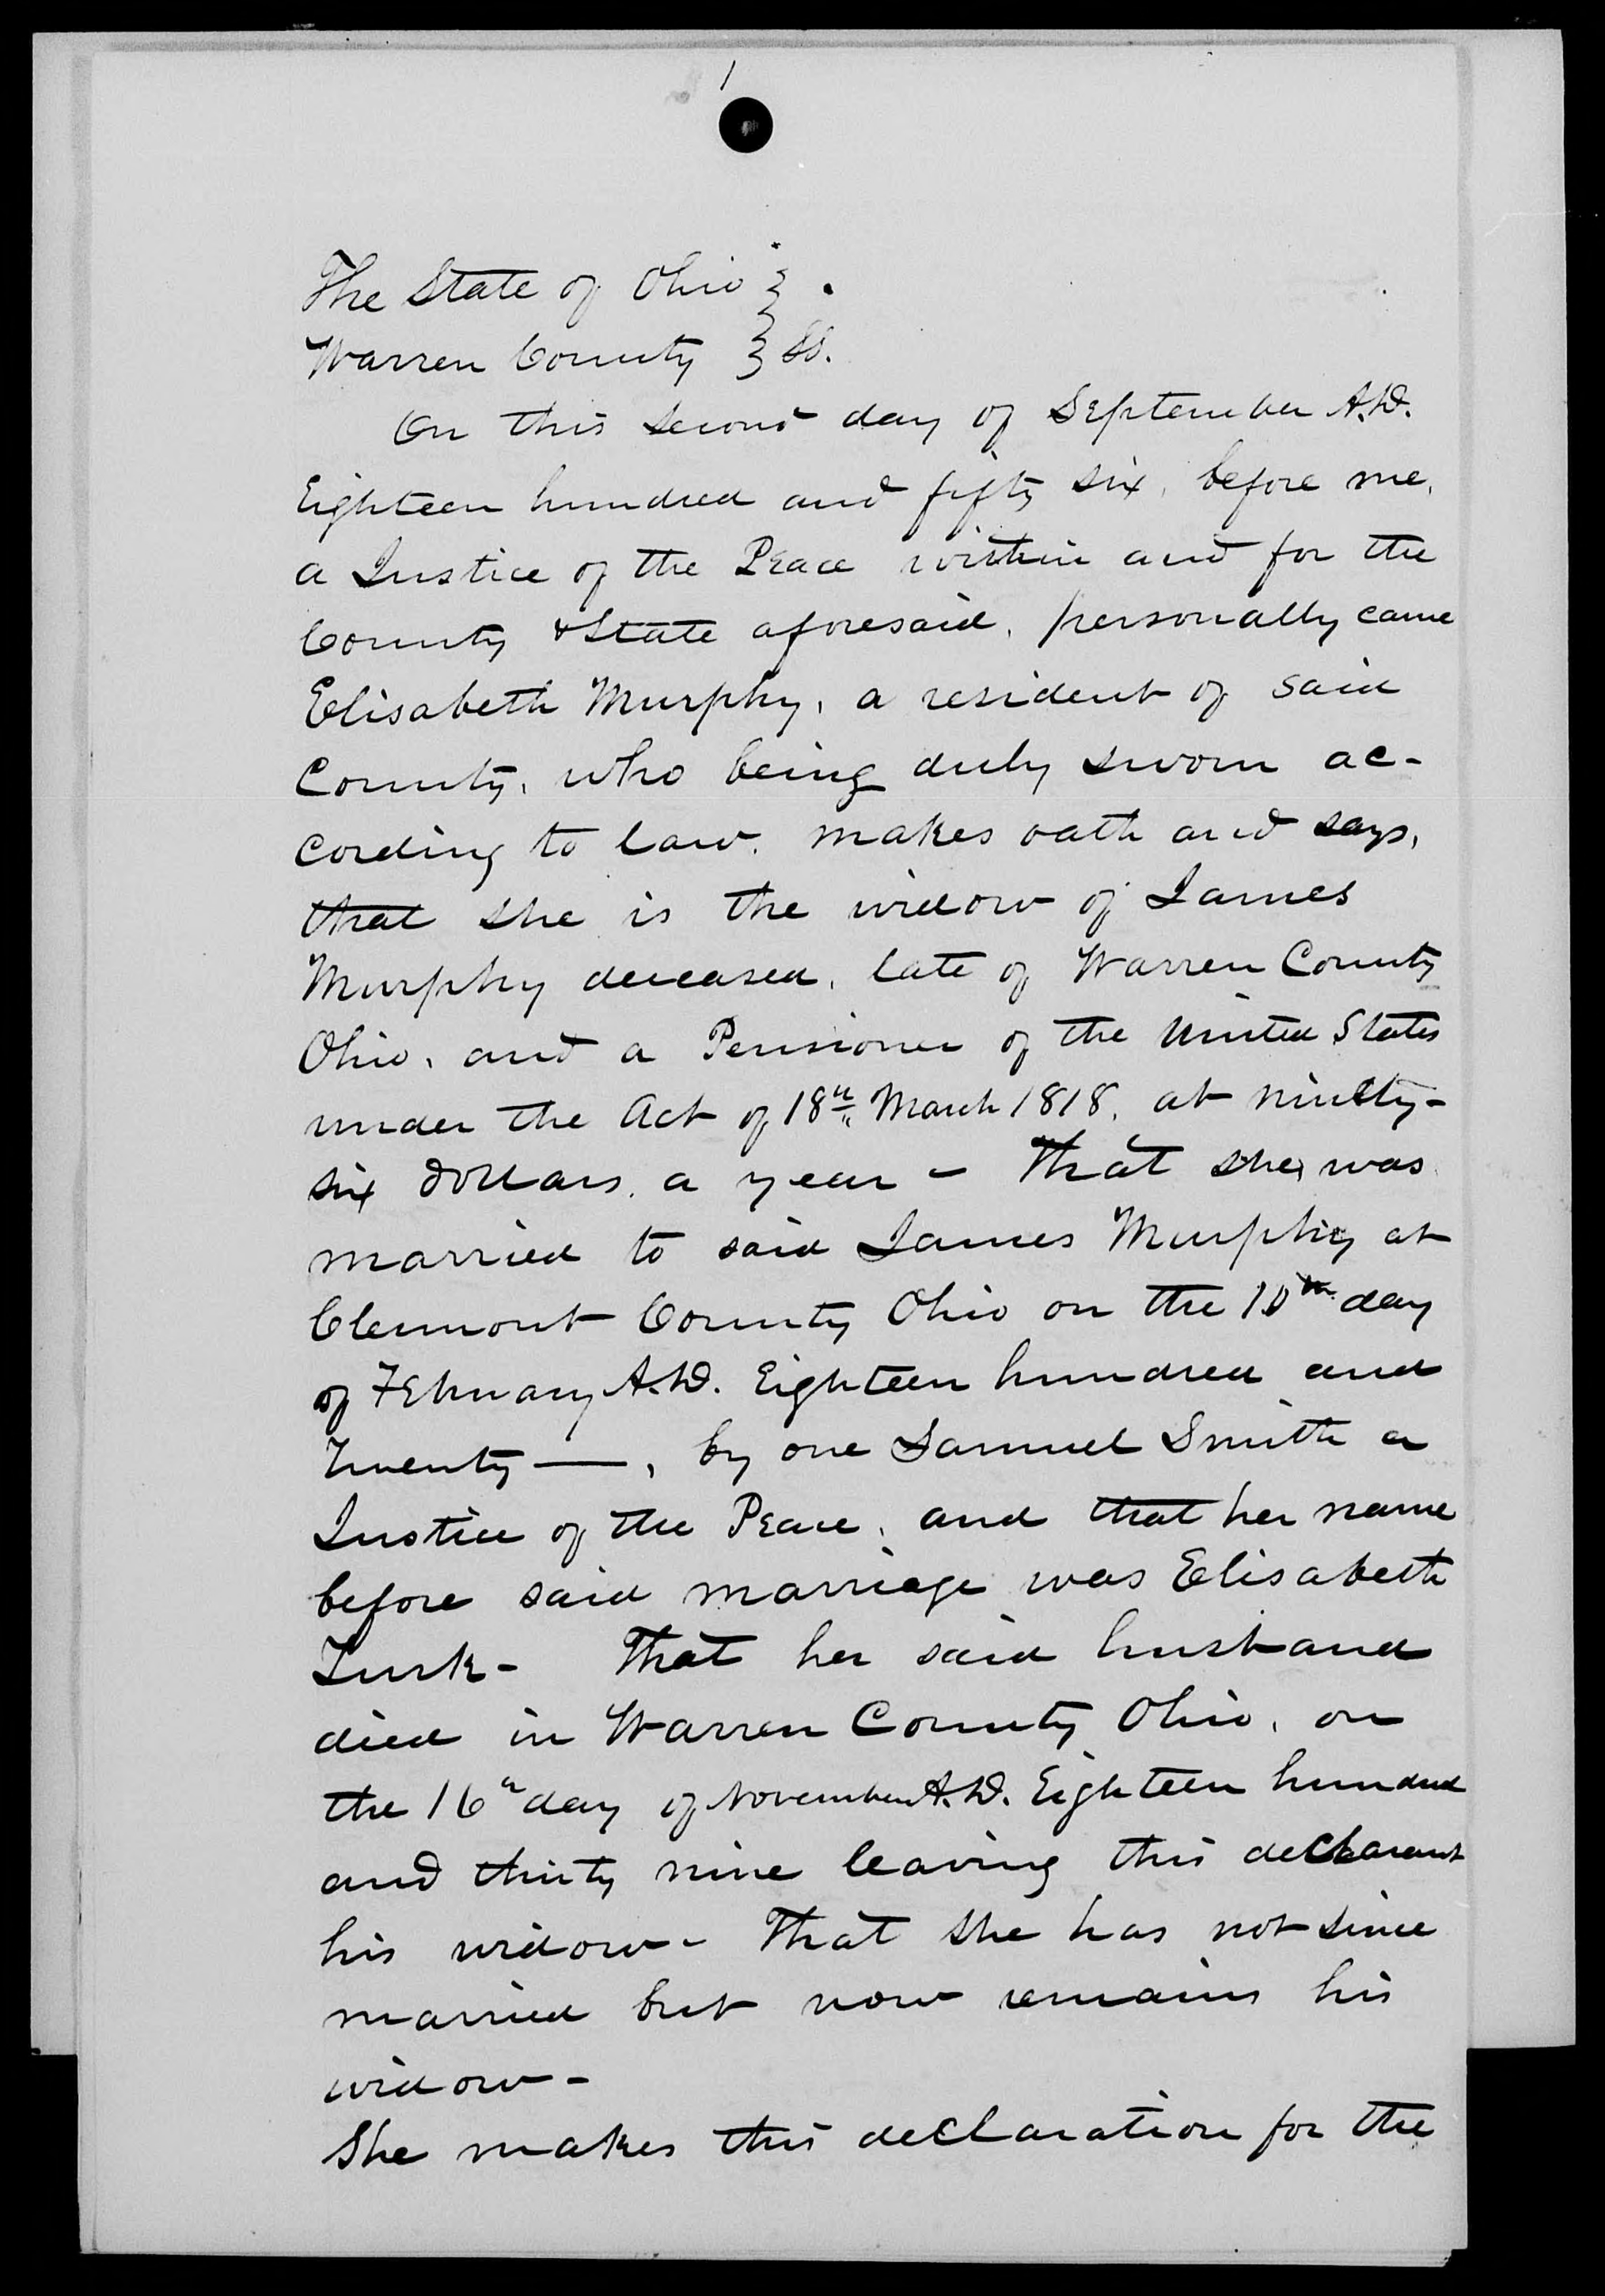The State of Ohio
Warren County SS.

On this second day of September A.D.
Eighteen hundred and fifty six, before me
a Justice of the Peace within and for the
County & State aforesaid, personally came
Elizabeth Murphy, a resident of said
County, who being duly sworn according 
to law makes oath and says,
that she is the widow of James
Murphy deceased, late of Warren County
Ohio, and a Pensioner of the United States
under the Act of 18th March 1818, at ninety-
six dollars a year - that she was
married to said James Murphy at
Clermont County Ohio on the 10th day
of February A.D. Eighteen hundred and
twenty --- , by one Samuel Smith a
Justice of the Peace, and that her name
before said marriage was Elisabeth
Turk - That her said husband
died in Warren County Ohio, on
the 16th day of November A.D. Eighteen hundred
and thirty nine leaving this declarant
his widow.  That she has not since
married but now remains his
widow -
She makes this declaration for the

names: Elisabeth Murphy; Elisabeth Turk; Samuel Smith; James Murphy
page: 13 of 57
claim: widow's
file: W. 25,739, for James Murphey, Pennsylvania